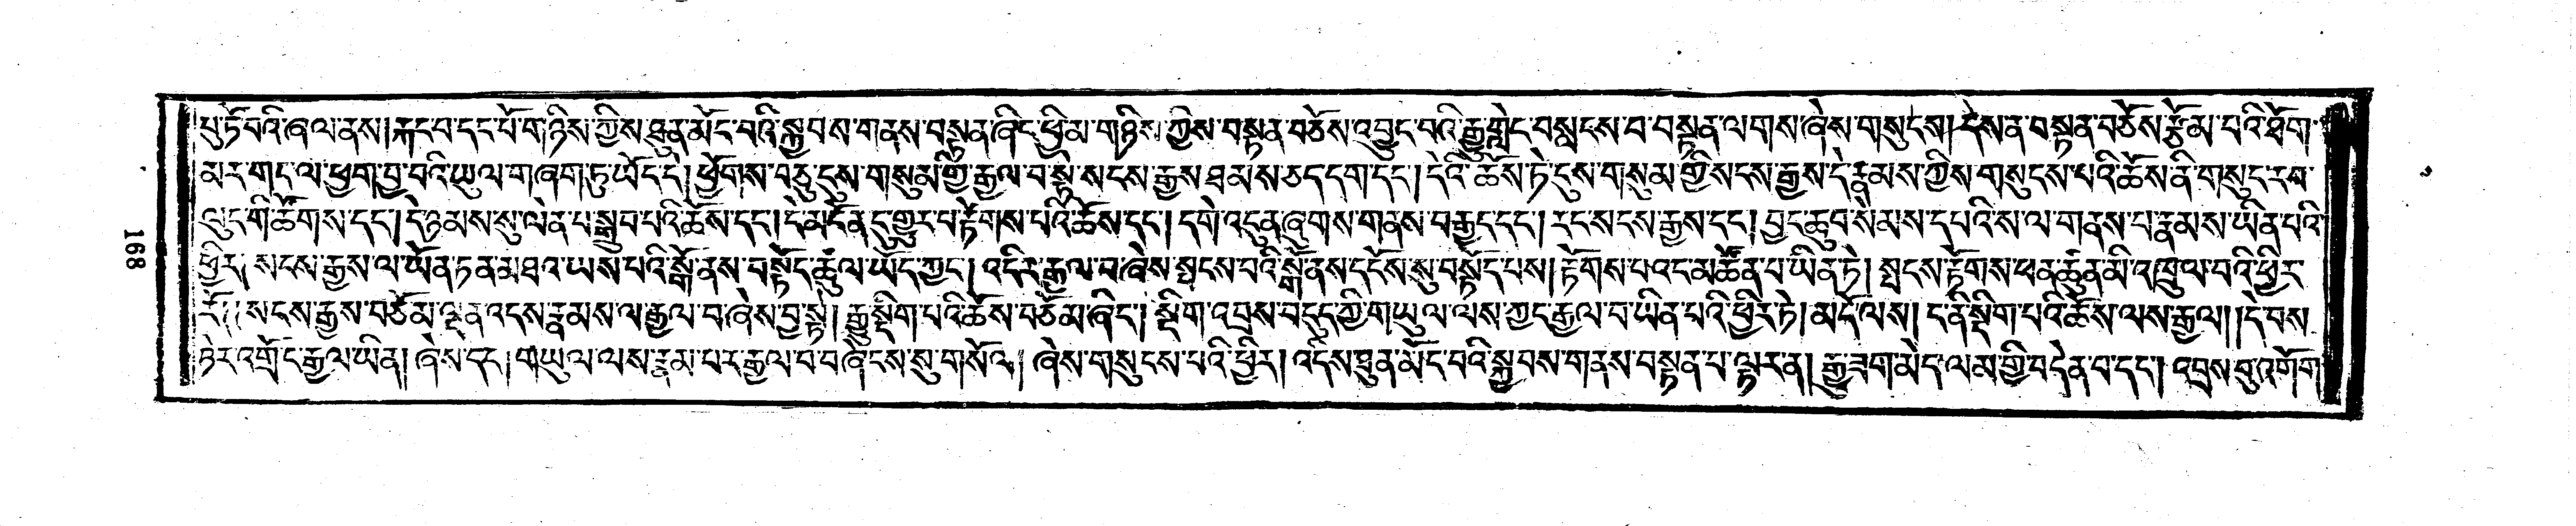པུ་ཏོ་བའི་ཞལ་ནས། རྐང་པ་དང་པོ་གཉིས་ཀྱིས་ཐུན་མོང་བའི་སྐྱབས་གནས་བསྟན་ཞིང་ཕྱི་མ་གཉིས་ཀྱིས་བསྟན་བཅོས་འབྱུང་བའི་རྒྱུ་གླེང་བསླངས་པ་བསྟན་ལགས་ཞེས་གསུངས། དེས་ན་བསྟན་བཅོས་རྩོམ་པའི་ཐོག་
མར་གང་ལ་ཕྱག་བྱ་བའི་ཡུལ་གཞག་ཏུ་ཡོད་དེ། ཕྱོགས་བཅུ་དུས་གསུམ་གྱི་རྒྱལ་བ་སྟེ་སངས་རྒྱས་ཐམས་ཅད་དག་དང་། དེའི་ཆོས་ཏེ་དུས་གསུམ་གྱི་སངས་རྒྱས་དེ་རྣམས་ཀྱིས་གསུངས་པའི་ཆོས་ནི་གསུང་རབ་
ལུང་གི་ཚོགས་དང་། དེ་ཉམས་སུ་ལེན་པ་སྒྲུབ་པའི་ཆོས་དང་། དེ་མངོན་དུ་གྱུར་པ་རྟོགས་པའི་ཆོས་དང་། དགེ་འདུན་ཞུགས་གནས་བརྒྱད་དང་། རང་སངས་རྒྱས་དང་། བྱང་ཆུབ་སེམས་དཔའི་ས་ལ་གནས་པ་རྣམས་ཡིན་པའི་
ཕྱིར། སངས་རྒྱས་ལ་ཡོན་ཏན་མཐའ་ཡས་པའི་སྒོ་ནས་བསྟོད་ཚུལ་ཡོད་ཀྱང་། འདིར་རྒྱལ་བ་ཞེས་སྤངས་པའི་སྒོ་ནས་དངོས་སུ་བསྟོད་པས། རྟོགས་པའང་མཚོན་པ་ཡིན་ཏེ། སྤངས་རྟོགས་ཕན་ཚུན་མི་འཁྲུལ་བའི་ཕྱིར་
རོ། །སངས་རྒྱས་བཅོམ་ལྡན་འདས་རྣམས་ལ་རྒྱལ་བ་ཞེས་བྱ་སྟེ། རྒྱུ་སྡིག་པའི་ཆོས་བཅོམ་ཞིང་། སྡིག་འབྲས་བདུད་ཀྱི་གཡུལ་ལས་ཀྱང་རྒྱལ་བ་ཡིན་པའི་ཕྱིར་ཏེ། མདོ་ལས། ང་ནི་སྡིག་པའི་ཆོས་ལས་རྒྱལ། །དེ་བས་
ཉེར་འགྲོ་ང་རྒྱལ་ཡིན། ཞེས་དང་། གཡུལ་ལས་རྣམ་པར་རྒྱལ་བ་བཞེངས་སུ་གསོལ། ཞེས་གསུངས་པའི་ཕྱིར། འདིས་ཐུན་མོང་བའི་སྐྱབས་གནས་བསྟན་པ་ལྟར་ན། རྒྱུ་ཟག་མེད་ལམ་གྱི་བདེན་པ་དང་། འབྲས་བུ་འགོག་